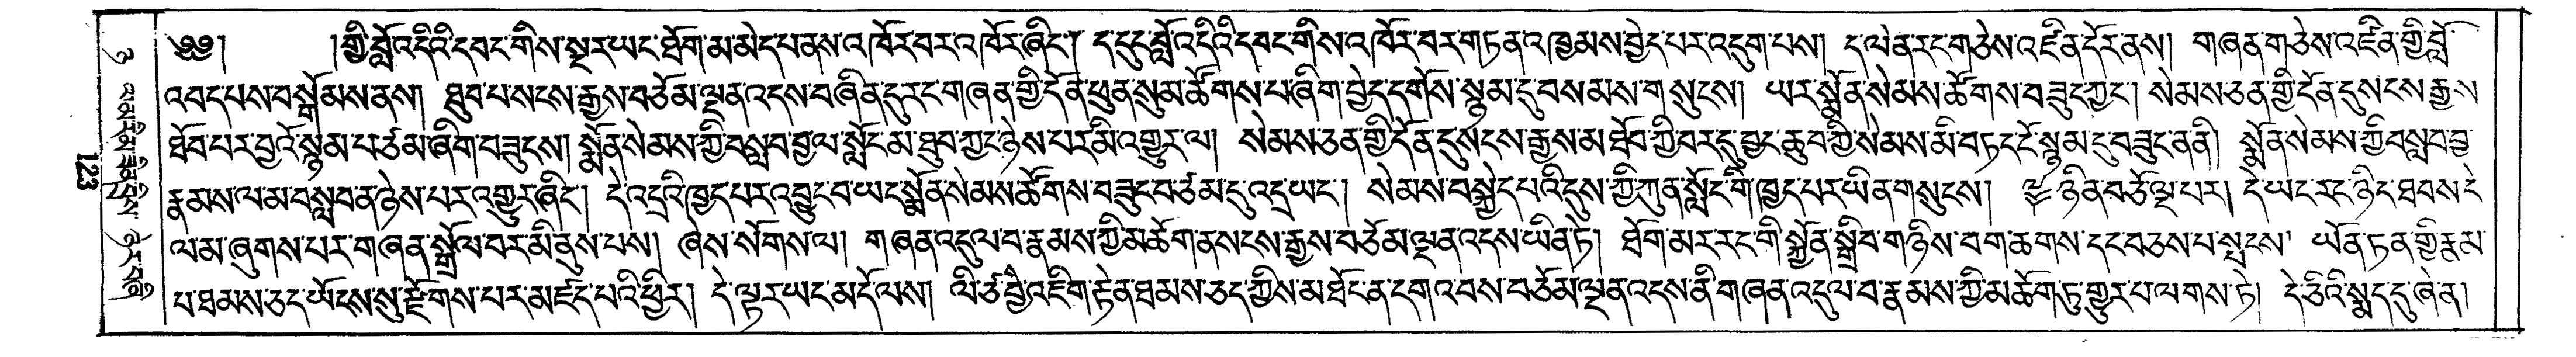༄༅། །གྱི་བློ་འདིའི་དབང་གིས་སྔར་ཡང་ཐོག་མ་མེད་པ་ནས་འཁོར་བར་འཁོར་ཞིང་། ད་དུང་བློ་འདིའི་དབང་གིས་འཁོར་བར་གཏན་འཁྱམས་བྱེད་པར་འདུག་པས། ད་ལེན་རང་གཅེས་འཛིན་དོར་ནས། གཞན་གཅེས་འཛིན་གྱི་བློ་
འབད་པས་བསྒོམས་ནས། ཐུབ་བ་སངས་རྒྱས་བཅོམ་ལྡན་འདས་བཞིན་དུ་རང་གཞིན་གྱི་དོན་ཕུན་སུམ་ཚོགས་པ་ཞིག་བྱེད་དགོས་སྙམ་དུ་བསམས་གསུངས། ཡང་སྨོན་སེམས་ཆོ་གས་བཟུང་ཀྱང་། སེམས་ཅན་གྱི་དོན་དུ་སངས་རྒྱས་
ཐོབ་པར་བྱའོ་སྙམ་པ་ཙམ་ཞིག་བཟུང་ན། སྨོན་སེམས་ཀྱི་བསླབ་བྱ་ལ་སློབ་མ་ཐུབ་ཀྱང་ཉེས་བར་མི་འགྱུར་ལ། སེམས་ཅན་གྱི་དོན་དུ་སངས་རྒྱས་མ་ཐོབ་ཀྱི་བར་དུ་བྱང་ཆུབ་ཀྱི་སེམས་མི་བཏང་ངོ་སྙམ་དུ་བཟུང་ན་ནི། སྨོན་སེམས་ཀྱི་བསླབ་བྱ་
རྣམས་ལམ་བསླབ་ན་ཉེས་པར་འགྱུར་ཞིང་། དེ་འདྲའི་ཁྱད་པར་འབྱུང་བ་ཡང་སྨོན་སེམས་ཆོགས་བཟུང་བ་ཙམ་དུ་འདྲ་ཡང་། སེམས་བསྐྱེད་པའི་དུས་ཀྱི་ཀུན་སློང་གི་ཁྱད་པར་ཡིན་གསུངས། ༈ ཉིན་བཅོ་ལྔ་པར། དེ་ཡང་རང་ཉིད་ཐབས་དེ་
ལ་མ་ཞུགས་པར་གཞན་སྒྲོལ་བར་མི་ནུས་པས། ཞེས་སོགས་ལ། གཞན་འདུལ་བ་རྣམས་ཀྱི་མཆོག་ནི་སངས་རྒྱས་བཅོམ་ལྡན་འདས་ཡིན་ཏེ། ཐོག་མར་རང་གི་སྐྱོན་སྒྲིབ་གཉིས་བག་ཆགས་དང་བཅས་པ་སྤངས། ཡོན་ཏན་གྱི་རྣམ་
པ་ཐམས་ཅད་ཡོངས་སུ་རྫོགས་པར་མཛད་པའི་ཕྱིར། དེ་ལྟར་ཡང་མདོ་ལས། ལི་ཙ་བྱི་འཇིག་རྟེན་ཐམས་ཅད་ཀྱིས་མཐོང་ན་དགའ་བས་བཅོམ་ལྡན་འདས་ནི་གཞན་འདུལ་བ་རྣམས་ཀྱི་མཆོག་ཏུ་གྱུར་པ་ལགས་ཏེ། དེ་ཅིའི་སླད་དུ་ཞེ་ན།